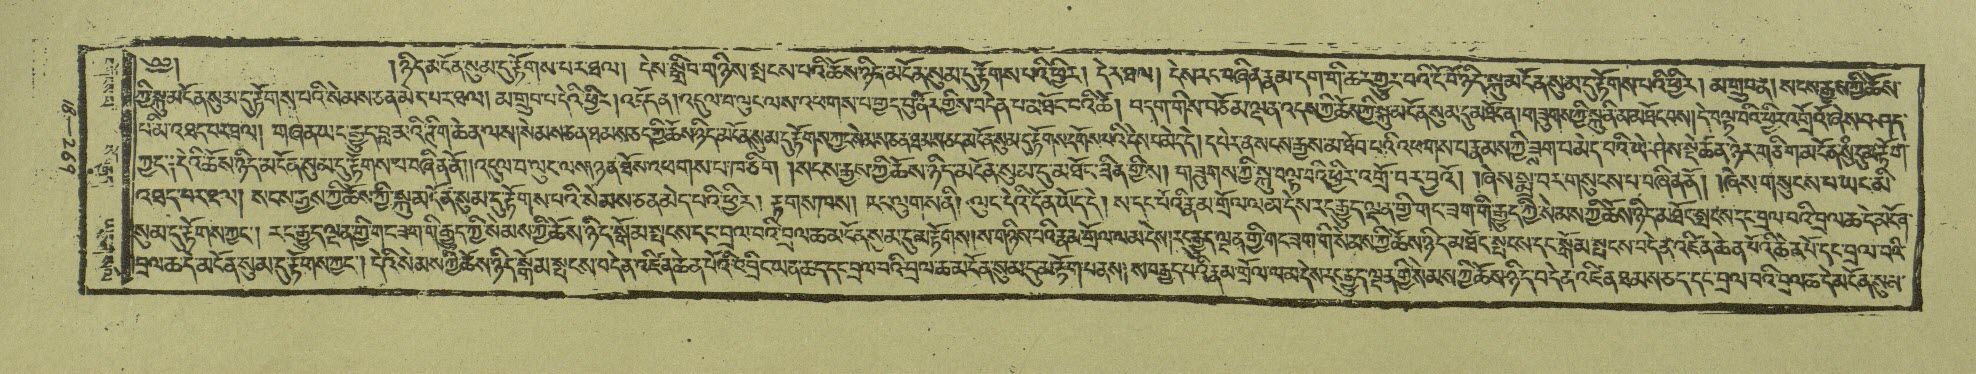༄༅། །ཉིད་མངོན་སུམ་དུ་རྟོགས་པར་ཐལ། དེས་སྒྲིབ་གཉིས་སྤངས་པའི་ཆོས་ཉིད་མངོན་སུམ་དུ་རྟོགས་པའི་ཕྱིར། དེར་ཐལ། དེས་རང་བཞིན་རྣམ་དག་གི་ཆར་གྱུར་བའི་ངོ་བོ་ཉིད་སྐུ་མངོན་སུམ་དུ་རྟོགས་པའི་ཕྱིར། མ་གྲུབ་ན། སངས་རྒྱས་ཀྱི་ཆོས་
ཀྱི་སྐུ་མངོན་སུམ་དུ་རྟོགས་པའི་སེམས་ཅན་མེད་པར་ཐལ། མ་གྲུབ་པ་དེའི་ཕྱིར། འདོད་ན། འདུལ་བ་ལུང་ལས་འཕགས་པ་གྱད་བུ་ནོར་གྱིས་བདེན་པ་མཐོང་བའི་ཚེ། བདག་གིས་བཅོམ་ལྡན་འདས་ཀྱི་ཆོས་ཀྱི་སྐུ་མངོན་སུམ་དུ་མཐོང་ན། གཟུགས་ཀྱི་སྐུ་ནི་མ་མཐོང་པས། དེ་བལྟ་བའི་ཕྱིར་འགྲོའོ་ཞེས་བཤད་
པ་མི་འཐད་པར་ཐལ། གཞན་ཡང་རྒྱུད་བླ་མའི་ཊིཀ་ཆེན་ལས། སེམས་ཅན་ཐམས་ཅད་ཀྱི་ཆོས་ཉིད་མངོན་སུམ་དུ་རྟོགས་ཀྱང་སེམས་ཅན་ཐམས་ཅད་མངོན་སུམ་དུ་རྟོགས་དགོས་པའི་དེས་བ་མེད་དེ། དཔེར་ན་སངས་རྒྱས་མ་ཐོབ་པའི་འཕགས་པ་རྣམས་ཀྱིས་ཟག་པ་མེད་པའི་ཡེ་ཤེས་སྡེ་ཚན་ཉེར་གཅིག་མངོན་སུམ་དུ་མ་རྟོགས་
ཀྱང་། དེའི་ཆོས་ཉིད་མངོན་སུམ་དུ་རྟོགས་པ་བཞིན་ནོ། །འབུལ་བ་ལུང་ལས་ཉམ་ཐོས་འཕགས་པ་ཁ་ཅིག །སངས་རྒྱས་ཀྱི་ཆོས་ཉིད་མངོན་སུམ་དུ་མཐོང་ཟིན་གྱིས། གཟུགས་ཀྱི་སྐུ་བལྟ་བའི་ཕྱིར་འགྲོ་བར་བྱའོ། །ཞེས་སྨྲ་བར་གསུངས་པ་བཞིན་ནོ། །ཞེས་གསུངས་པ་ཡང་མི་
འཐད་པར་ཐལ། སངས་རྒྱས་ཀྱི་ཆོས་ཀྱི་སྐུ་མངོན་སུམ་དུ་རྟོགས་པའི་སེམས་ཅན་མེད་པའི་ཕྱིར། རྟགས་ཁས། རང་ལུགས་ནི། ལུང་དེའི་དོན་ཡོད་དེ། ས་དང་པོའི་རྣམ་གྲོལ་ལམ་དེས་རང་རྒྱུད་ལྡན་གྱི་གང་ཟག་གི་རྒྱུད་ཀྱི་སེམས་ཀྱི་ཆོས་ཉིད་མཐོང་སྤངས་དང་བྲལ་བའི་བྲལ་ཆ་དེ་མངོན་
སུམ་དུ་རྟོགས་ཀྱང་། རང་རྒྱུད་ལྡན་གྱི་གང་ཟག་གི་རྒྱུད་ཀྱི་སེམས་ཀྱི་ཆོས་ཉིད་སྒོམ་སྤངས་དང་བྲལ་བའི་བྲལ་ཆ་མངོན་སུམ་དུ་མ་རྟོགས། ས་གཉིས་པའི་རྣམ་གྲོལ་ལམ་དེས། རང་རྒྱུད་ལྡན་གྱི་གང་ཟག་གི་སེམས་ཀྱི་ཆོས་ཉིད་མཐོང་སྤངས་དང་སྒོམ་སྤངས་བདེན་འཛིན་ཆེན་པོའི་ཆེན་པོ་དང་བྲལ་བའི་
བྲལ་ཆ་དེ་མངོན་སུམ་དུ་རྟོགས་ཀྱང་། དེའི་སེམས་ཀྱི་ཆོས་ཉིད་སྒོམ་སྤངས་བདེན་འཛིན་ཆེན་པོའི་འབྲིང་ཡན་ཆད་དང་བྲལ་བའི་བྲལ་ཆ་མངོན་སུམ་དུ་མ་རྟོག་པ་ནས། ས་བརྒྱད་པའི་རྣམ་གྲོལ་ལམ་དེས་རང་རྒྱུད་ལྡན་གྱི་སེམས་ཀྱི་ཆོས་ཉིད་བདེན་འཛིན་ཐམས་ཅད་དང་བྲལ་བའི་བྲལ་ཆ་དེ་མངོན་སུམ་